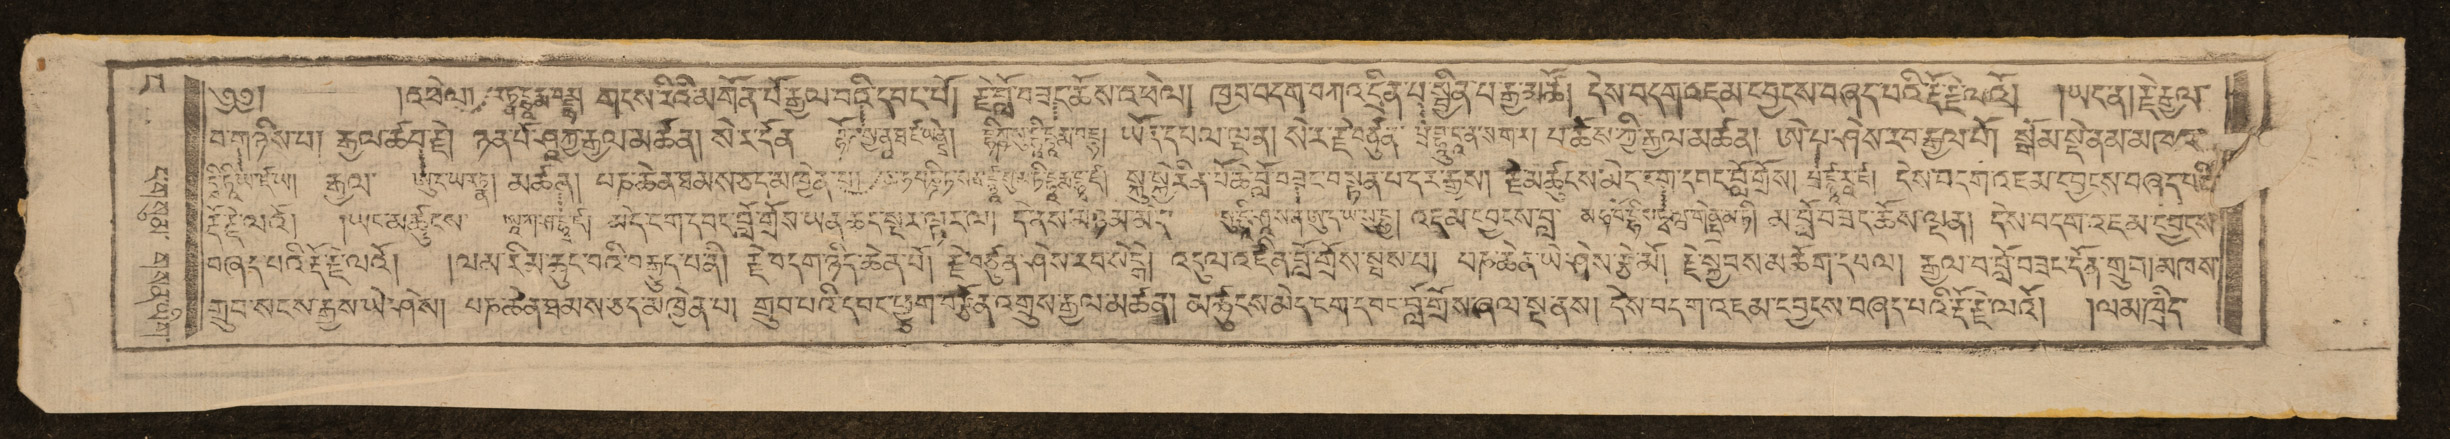༄༅། །འཕེལ། རཏྣ་དྷཱརྨ་བརྡྷ། གངས་རིའི་མགོན་པོ་རྒྱལ་བའི་དབང་པོ། རྗེ་བློ་བཟང་ཆོས་འཕེལ། ཁྱབ་བདག་བཀའ་དྲིན་པ་སྦྱིན་པ་རྒྱ་མཚོ། དེས་བདག་འཇམ་དབྱངས་བཞད་པའི་རྡོ་རྗེ་ལའོ། །ཡང་ན། རྗེ་རྒྱལ་
བ་གཉིས་པ། རྒྱལ་ཚབ་རྗེ། ཉན་པོ་ཤཱཀྱ་རྒྱལ་མཚན། སེར་དོན། བྷོད་སྱ་ནཱ་ཐ་ཛ་ཡེརྡྲ། བྷི་ཀྵ་སུ་དྷཱི་དྷཱ་རྨ་བ་བྷ། ཡོར་དཔལ་ལྡན། སེར་རྗེས་མཚུན། པྲ་བྷཱ་དཱ་ན་སགས། ས་ཆོས་ཀྱི་རྒྱལ་མཚན། ཨེ་པ་ཤེས་བ་རབ་རྒྱལ་པོ། སྒོམ་སྡེ་ནས་ནམ་མཁའ་
དྭི་ཏཱི་ཡ་ཛ་ཡ། རྒྱལ། ཨུང་ཡརྟྣ། མཚན། པཎ་ཆེན་ཐམས་ཅད་མཁྱེན་པ། མཏ་པཎྜི་ཏ་སརྦ་ཛྙཱ། སྐུ་སྐྱེ་རིན་པོ་ཆེ་བློ་བཟང་བསྟན་པ་དར་རྒྱས། རྗེ་མཚུངས་མིང་ངག་དབང་བློ་གྲོས། པྲཛྙཱ་རཱ་ཛ། དེས་བདག་འཇམ་དབྱངས་བཞད་པའི་
རྡོ་རྗེ་ལའོ། །ཡང་མཚུངས། ཨཱ་ག་ཤདྷྭ་ཛ། མེད་ངག་དབང་བློ་གྲོས་ཡན་ཆད་སྔར་ལྟར་ལ། དེ་ནས་མཉམ་མེད། སུདྡྷཱི་ཤཱ་ས་ན་ཨུད་ཡ་སུདྷྱ། འཇམ་དབྱངས་བླ་མ་ཧ་བོ་དྷི་སཏྭ་ཝ་གེནྡྲ་མ་ཏི། མ་བློ་བཟང་ཆོས་ལྡན། དེས་བདག་འཇམ་དབྱངས་
བཞད་པའི་རྡོ་རྗེ་ལའོ། །ལམ་རིམ་ཆུང་བའི་བརྒྱུད་པ་ནི། རྗེ་བདག་ཉིད་ཆེན་པོ། རྗེ་བཙུན་ཤེས་རབ་སེངྒེ། འདུལ་འཛིན་བློ་གྲོས་སྐས་པ། པཎ་ཆེན་ཡེ་ཤེས་རྩེ་མོ། རྗེ་སྐྱབས་མཆོག་དཔལ། རྒྱལ་བ་བློ་བཟང་དོན་གྲུབ། མཁས་
གྲུབ་སངས་རྒྱས་ཡེ་ཤེས། པཎ་ཆེན་ཐམས་ཅད་མཁྱེན་པ། གྲུབ་པའི་དབང་ཕྱུག་བརྩོན་འགྲུས་རྒྱལ་མཚན། མཚུངས་མེད་ངག་དབང་བློ་གྲོས་སྔ་ནས། དེས་བདག་འཇམ་དབྱངས་བཞད་པའི་རྡོ་རྗེ་ལའོ། །ལམ་ཁྲིད་